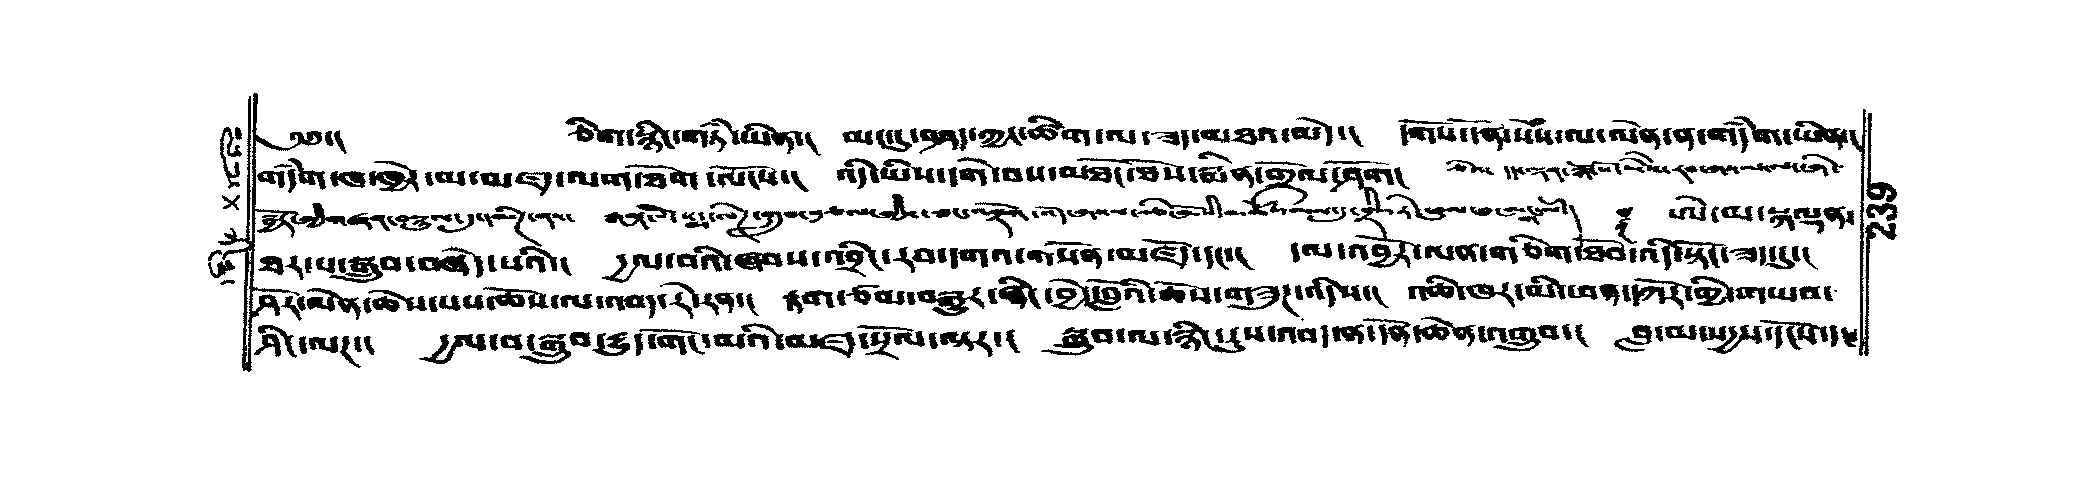ཅིག་སྙིང་གཏམ་ཡིན། །མང་དུ་བཤད་ཀྱང་ཚིག་ལ་ཟད་མཐའ་མེད། །དགོས་དོན་སེམས་ལ་ལེན་ན་གདམས་ངག་ཡིན། །
གདམས་ངག་ཁ་ཁྱེར་མ་མཛད་ལག་ཐོག་ལོངས། །འདི་ཡིས་དགེ་བས་མཐོང་ཐོས་སྨིན་གྲོལ་ཤོག ཅེས་དད་ལྡན་སྒམ་པོ་ཡེ་ཤེས་རབ་གསལ་ལ་དགེ་
སྦྱོར་གྱི་གཞན་བསྐུལ་དུ་དམིགས་ནས། རྒན་པོ་པདྨ་ལེགས་གྲུབ་རྩལ་གྱིས་ཐང་འགྲོག་འོད་གསལ་རྩེ་མོའི་མཚམས་མལ་དུ་བྲིས་ཏེ་ཕུལ་བ་མངྒ་ལམ།། ༈ ཨེ་མ་སྐལ་ལྡན་
ཐར་པ་སྒྲུབ་བཞེད་པའི། །རྒྱལ་བའི་ཞབས་འབྲིང་རབ་དགའ་གསོན་མཛོད་དང་། །དལ་འབྱོར་ལན་གཅིག་ཐོབ་འདི་སྟོང་ཟད་དུ། །
ཤོར་ཉེན་ཆེས་པས་ཆོས་ལ་འབད་རེ་རན། །རྟགས་ཙམ་བསྒྱུར་ཞིང་བྱེད་བློའི་ཆོས་གཟུགས་འདིས། །འཆི་ཁར་མི་ཕན་དཀོར་གྱི་གཡབ་
ཤིང་ལགས། །རྒྱལ་བ་སྒྲུབ་རྒྱུད་གོང་མའི་མཛད་སྲོལ་ལྟར། །སྒྲུབ་ལ་སྙིང་རུས་འབད་ན་དོན་ཆེན་འགྲུབ། །བླ་མ་སངས་རྒྱས་དངོས་དང་